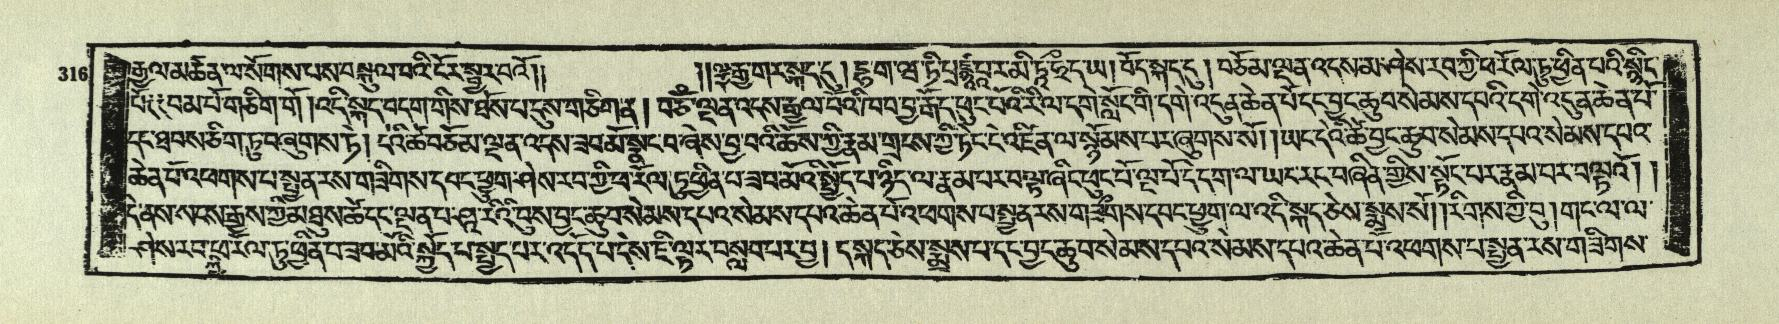རྒྱལ་མཚན་ལ་སོགས་པས་བསྐུལ་བའི་ངོར་སྦྱར་བའོ།། །།འ་རྒྱ་གར་སྐད་དུ། དྷ་ག་ཝ་ཏི་པྲཛཉའ་པའ་ར་མི་ཏཱ་ཧྲཾ་ད་ཡ། བོད་སྐད་དུ། བཅོམ་ལྡན་འདས་མ་ཤེས་རབ་ཀྱི་ཕ་རོལ་ཏུ་ཕྱིན་པའི་སྙིང་
པོ༑ ༑བམ་པོ་གཅིག་གོ། འདི་སྐད་བདག་གིས་ཐོས་པ་དུས་གཅིག་ན། བཅོཾ་ལྡན་འདས་རྒྱལ་པོའི་ཁབ་བྱ་རྒོད་ཕུང་པོའི་རི་ལ་དགེ་སློང་གི་དགེ་འདུན་ཆེན་པོ་དང་བྱང་ཆུབ་སེམས་དཔའི་དགེ་འདུན་ཆེན་པོ་
དང་ཐབས་ཅིག་ཏུ་བཞུགས་ཏེ། དེའི་ཚེ་བཅོམ་ལྡན་འདས་ཟབ་མོ་སྣང་བ་ཞེས་བྱ་བའི་ཆོས་ཀྱི་རྣམ་གྲངས་ཀྱི་ཏེང་ངེ་འཛིན་ལ་སྙོམས་པར་ཞུགས་སོ། །ཡང་དེའི་ཚེ་བྱང་ཆུབ་སེམས་དཔའ་སེམས་དཔའ་
ཆེན་པོ་འཕགས་པ་སྤྱན་རས་གཟིགས་དབང་ཕྱུག་ཤེས་རབ་ཀྱི་ཕ་རོལ་ཏུ་ཕྱིན་པ་ཟབ་མོའི་སྤྱི་དོ་པ་ཉིད་ལ་རྣམ་པར་བལྟ་ཞིང་ཕུང་པོ་ལྔ་པོ་དེ་དག་ལ་ཡང་རང་བཞིན་གྱིས་སྟོང་པར་རྣམ་པར་བལྟའོ།།
དེ་ནས་སངས་རྒྱས་ཀྱི་མཐུས་ཚེ་དང་ལྡན་པ་ཤཱ་རིའི་བུས་བྱང་ཆུབ་སེམས་དཔའ་སེམས་དཔའ་ཆེན་པོ་འཕགས་པ་སྤྱན་རས་གཟིགས་དབང་ཕྱུག་ལ་འདི་སྐད་ཅེས་སྨྲས་སོ། །རིགས་ཀྱི་བུ་།གང་ལ་ལ་
ཤེས་རབ་ཀྱི་ཕ་རོལ་ཏུ་ཕྱིན་པ་ཟབ་མོའི་སྐྱོད་པ་སྤྱད་པར་འདོད་པ་དེས་ཇི་ལྟར་བསླབ་པར་བྱ། ད་སྐད་ཅེས་སྨྲས་པ་དང་བྱང་ཆུབ་སེམས་དཔའ་སེམས་དཔའ་ཆེན་པོ་འཕགས་པ་སྤྱན་རས་གཟིགས་